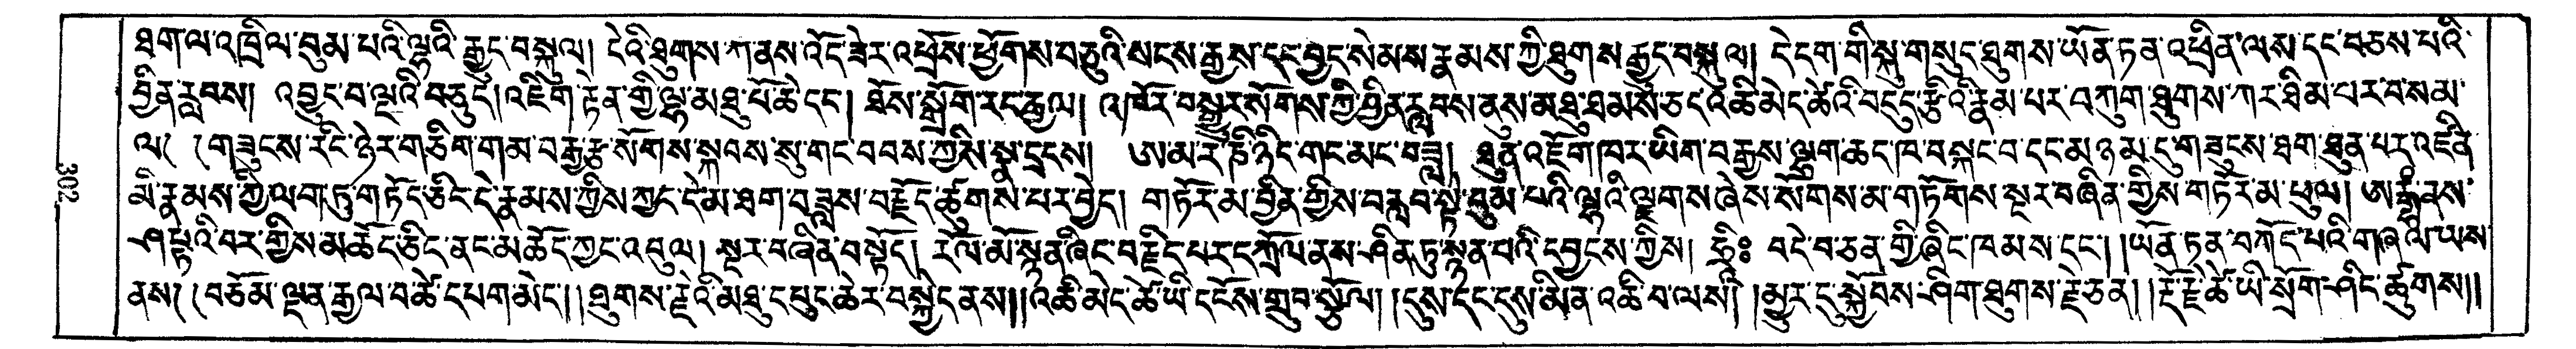ཐག་ལ་འཁྲིལ་བུམ་པའི་ལྷའི་རྒྱུད་བསྐུལ། དེའི་ཐུགས་ཀ་ནས་འོད་ཟེར་འཕྲོས་ཕྱོགས་བཅུའི་སངས་རྒྱས་དང་བྱང་སེམས་རྣམས་ཀྱི་ཐུགས་རྒྱུད་བསྐུལ། དེ་དག་གི་སྐུ་གསུང་ཐུགས་ཡོན་ཏན་འཕྲིན་ལས་དང་བཅས་པའི་
བྱིན་རླབས། འབྱུང་བ་ལྔའི་བཅུད། འཇིག་རྟེན་གྱི་ལྷ་མཐུ་བོ་ཆེ་དང་། ཐོས་སྒྲོག་རང་རྒྱལ། འཁོར་བསྒྱུར་སོགས་ཀྱི་བྱིན་རླབས་ནུས་མཐུ་ཐམས་ཅད་འཆི་མེད་ཚེའི་བདུད་རྩིའི་རྣམ་པར་བཀུག་ཐུགས་ཀར་ཐིམ་པར་བསམ་
ལ༑ ༑གཟུངས་རིང་ཉེར་གཅིག་གམ་བརྒྱ་རྩ་སོགས་སྐབས་སུ་གང་བབས་ཀྱིས་སྣ་དྲངས། ཨ་མ་ར་ཎི་ཉིད་གང་མང་བཟླ། ཐུན་འཇོག་ཁར་ཡིག་བརྒྱས་ལྷག་ཆད་ཁ་བསྐང་བ་དང་མཉམ་དུ་གཟུངས་ཐག་ཐུན་པར་འཛིན་
མི་རྣམས་ཀྱི་ལག་ཏུ་གཏོད་ཅིང་དེ་རྣམས་ཀྱིས་ཀྱང་དེ་མ་ཐག་བཟླས་བརྗོད་ཚུགས་པར་བྱེད། གཏོར་མ་བྱིན་གྱིས་བརླབ་སྟེ་བུམ་པའི་ལྷའི་ལྗགས་ཞེས་སོགས་མ་གཏོགས་སྔར་བཞིན་གྱིས་གཏོར་མ་ཕུལ། ཨརྒྷཾ་ནས་
ཤཔྟའི་བར་གྱིས་མཆོད་ཅིང་ནང་མཆོད་ཀྱང་འབུལ། སྔར་བཞིན་བསྟོད། རོལ་མོ་སྙན་ཞིང་བརྗིད་པར་དཀྲོལ་ནས་ཤིན་ཏུ་སྙན་པའི་དབྱངས་ཀྱིས། ཧྲཱིཿ བདེ་བ་ཅན་གྱི་ཞིང་ཁམས་དང་། །ཡོན་ཏན་བཀོད་བའི་གཞལ་ཡས་
ནས༑ ༑བཅོམ་ལྡན་རྒྱལ་བ་ཚེ་དཔག་མེད། །ཐུགས་རྗེའི་མཐུ་དཔུང་ཆེར་བསྐྱེད་ནས། །འཆི་མེད་ཚེ་ཡི་དངོས་གྲུབ་སྩོལ། །དུས་དང་དུས་མིན་འཆི་བ་ལས། །མྱུར་དུ་སྐྱོབས་ཤིག་ཐུགས་རྗེ་ཅན། །རྡོ་རྗེ་ཚེ་ཡི་སྲོག་ཤིང་ཚུགས།།